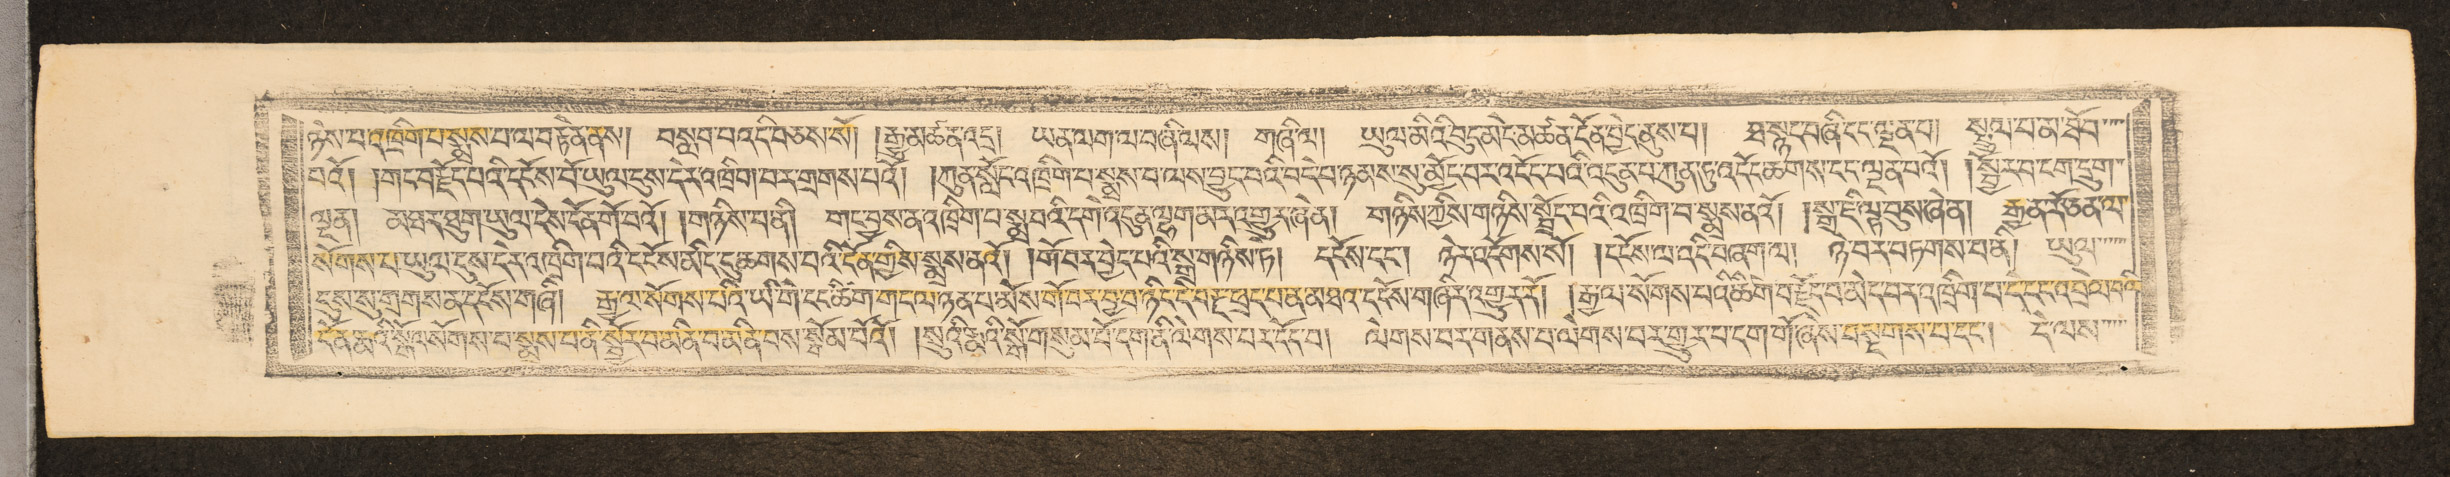ཉེས་པ་འཁྲིག་པ་སྨྲས་པ་ལ་བརྟེན་ནས། བསླབ་པ་འདི་བཅས་སོ། །རྒྱུ་མཚན་འདྲ། ཡན་ལག་ལ་བཞི་ལས། གཞི་ལ། ཡུལ་མིའི་བུད་མེད་མཚན་དོན་བྱེད་ནུས་པ། ཐ་སྙད་བཞི་དང་ལྡན་པ། སྦྲུལ་པ་མ་ཐོབ་
པའོ། །གང་བརྗོད་པའི་དངོས་པོ་ཡུལ་དུས་དེར་འཁྲིག་པར་གྲགས་པའོ། །ཀུན་སློང་འཁྲིག་པ་སྨྲས་པ་ལས་བྱུང་བའི་བདེ་བ་ཉམས་སུ་མྱོང་བར་འདོད་པའི་འདུན་པ་ཀུན་ཏུ་འདོད་ཆགས་དང་ལྡན་པའོ། །སྦྱོར་བ་དག་དྲུག་
ལྡན། མཐར་ཐུག་ཡུལ་ངེས་དོན་གོ་བའོ། །གཉིས་པ་ནི། གང་བྱས་ན་འཁྲིག་པ་སྨྲ་བའི་དགེ་འདུན་ལྷག་མར་འགྱུར་ཞེ་ན། གཉིས་ཀྱིས་གཉིས་སྦྲོད་པའི་འཁྲིག་པ་སྨྲས་ནའོ། །སྒྲ་ཇི་ལྟ་བུས་ཞེ་ན། རྒྱ་ན་རོ་ཅན་ལ་
སོགས་པ་ཡུལ་དུས་དེར་འཁྲིག་པའི་དངོས་མིང་དུ་ཆགས་པའི་དོན་གྱིས་སྨྲས་ནའོ། །གོ་བར་བྱེད་པའི་སྒྲ་གཉིས་ཏེ། དངོས་དང་། ཉེར་འདོགས་སོ། །དངོས་ལ་འདི་བཞག་ལ། ཉེ་བར་བཏགས་པ་ནི། ཡུལ་
དུས་སུ་གྲགས་ན་དངོས་གཞི། རྒྱལ་སོགས་པའི་ཡི་གེ་དང་ཚིག་གང་ལ་ཉན་པ་མོས་གོ་བར་བྱ་བ་ཉིད་དེ་བརྡ་ཕྲད་པ་ན་མཐའ་དངོས་གཞིར་འགྱུར་རོ། །རྒྱ་ལ་སོགས་པའི་ཚིག་བརྗོད་བ་མེད་པར་འཁྲིག་པ་དེ་དང་འབྲེལ་བའི་
དོན་རྨའི་སྒོ་ལ་སོགས་པ་སྨྲས་པ་ནི་སྦྱོར་བ་མིན་པ་མིན་པས་སྦོམ་པོའོ། །སྲུའི་རྨའི་སྒོ་གསུམ་པོ་དག་ནི་ལེགས་པར་དོད་བ། ལེགས་པར་གནས་པ་ལེགས་པར་གྱུར་པ་དག་གོ་ཞེས་བསྔགས་པ་དང་། དེ་ལས་